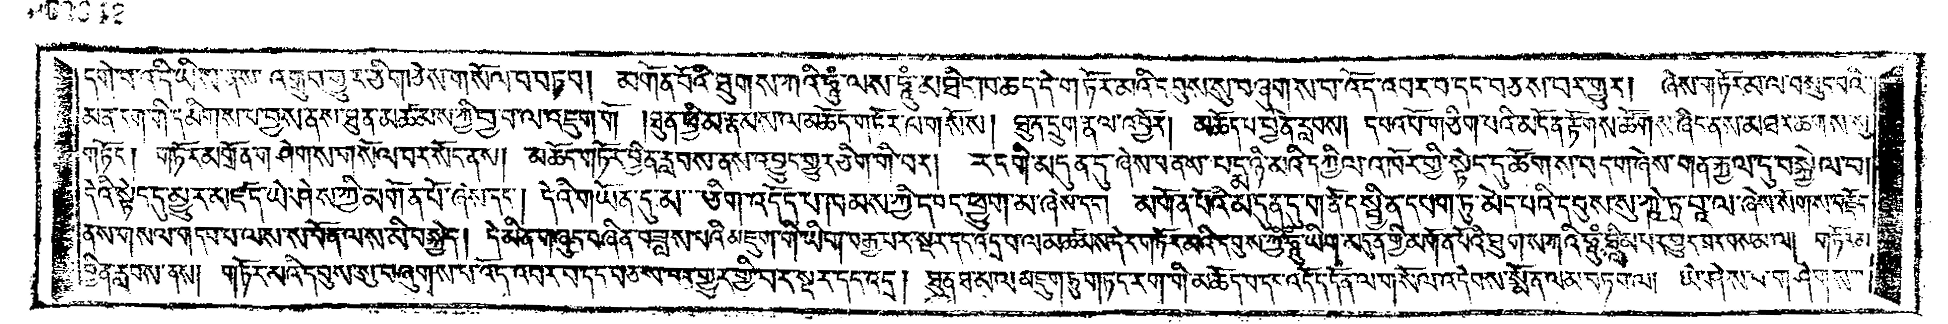དགེ་བ་འདི་ཡིས་ནས་འགྲུབ་གྱུར་ཅིག །ཅེས་གསོལ་བ་བཏབ། མགོན་པོའི་ཐུགས་ཀའི་ཧཱུཾ་ལས་ཧཱུཾ་མཐིང་ཁ་ཆད་དེ་གཏོར་མའི་དབུས་སུ་བཞུགས་པ་འོད་འབར་བ་དང་བཅས་པར་གྱུར། ཞེས་གཏོར་མ་ལ་བསྲུང་བའི་
མན་ངག་གི་དམིགས་པ་བྱས་ནས་ཐུན་མཚམས་ཀྱི་བྱ་བ་ལ་འཇུག་གོ །ཐུན་ཕྱི་མ་རྣམས་ལ་མཆོད་གཏོར་ཁ་གསོས། ཐུན་དྲུག་རྣལ་འབྱོར། མཆོད་པ་བྱིན་རླབས། དཔའ་བོ་གཅིག་པའི་མངོན་རྟོགས་ཚོགས་ཞིང་ནས་མཐར་ཆགས་སུ་
གཏོང་། གཏོར་མགྲོན་གཤེགས་གསོལ་བར་སོང་ནས། མཆོད་གཏོར་བྱིན་རླབས་ནས་འབྱུང་གྱུར་ཅིག་གི་བར། རང་གི་མདུན་དུ་ཞེས་པ་ནས་པདམ་ཉི་མའི་དཀྱིལ་འཁོར་གྱི་སྟེང་དུ་ཚོགས་བདག་ཞེས་གན་རྐྱལ་དུ་བསྐྱེལ་བ།
དེའི་སྟེང་དུ་མྱུར་མཛད་ཡེ་ཤེས་ཀྱི་མགོན་པོ་ཞེས་དང་། དེའི་གཡོན་དུ་མ་ཅིག་འདོད་པ་ཁམས་ཀྱི་དབང་ཕྱུག་མ་ཞེས་དང་། མགོན་པོའི་མདུན་དུ་གནོད་སྦྱིན་དཔག་ཏུ་མེད་པའི་དབུས་སུ་ཀྵེ་ཏྲ་པཱ་ལ་ཞེས་སོགས་བརྗོད་
ནས་གསལ་གདབ་པ་ལས་ས་བོན་ལས་མི་བསྐྱེད། དེ་མིན་གཞུང་བཞིན་བཟླས་པའི་མཇུག་གི་ཡིག་བརྒྱ་བར་སྔར་དང་འདྲ་བ་ལ་མཚམས་དེར་གཏོར་མའི་དབུས་ཀྱི་ཧཱུཾ་ཡིག་མདུན་གྱི་མགོན་པོའི་ཐུགས་ཀའི་ཧཱུཾ་ལ་ཐིམ་པར་གྱུར་བར་བསམ་ལ། གཏོར་མ་
བྱིན་རླབས་ནས། གཏོར་མའི་དབུས་སུ་བཞུགས་པ་འོད་འབར་བ་དང་བཅས་པར་གྱུར་གྱི་བར་སྔར་དང་འདྲ། ཐུན་ཐ་མ་ལ་མཇུག་ཏུ་གཏང་རག་གི་མཆོད་པ་དང་འདོད་དོན་ལ་གསོལ་འདེབས་སྨོན་ལམ་བཏབ་ལ། ཡེ་ཤེས་པ་གཤེགས་